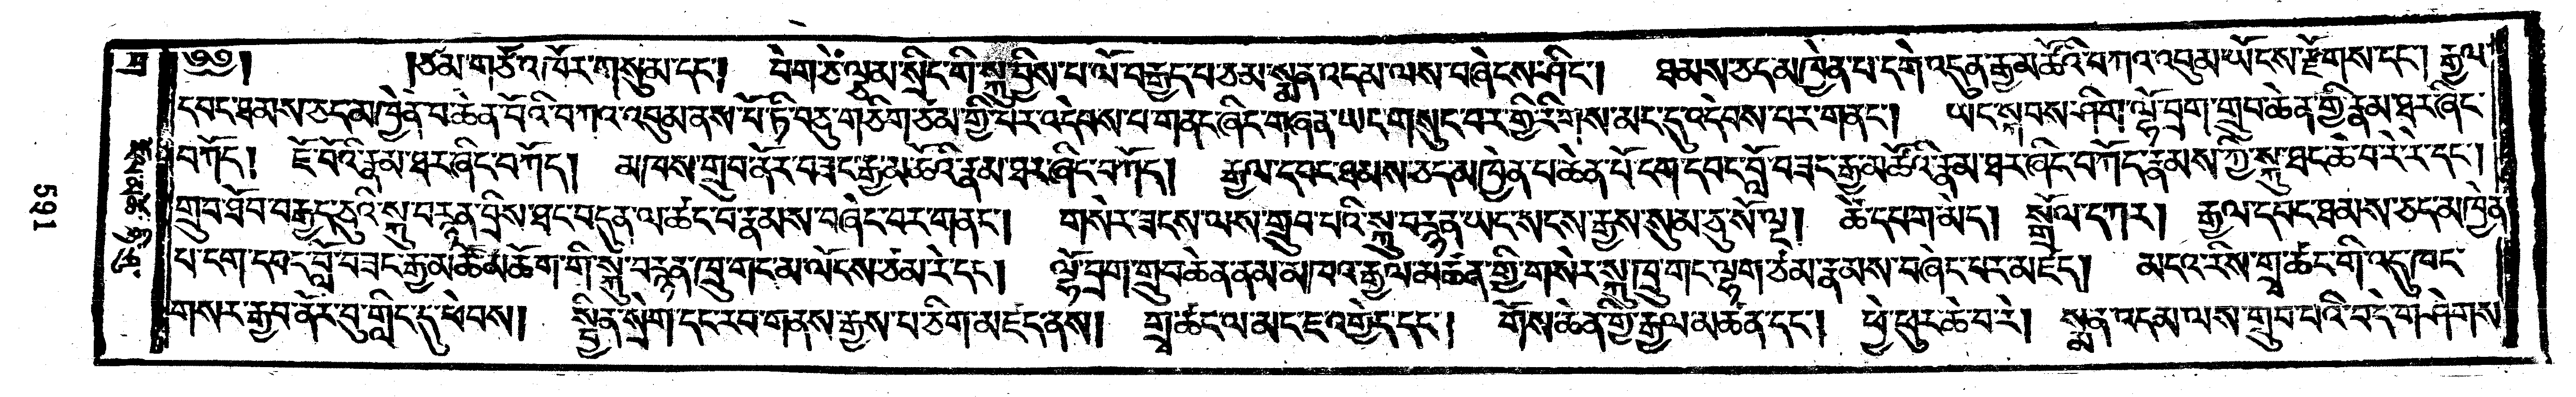༄༅། །ཙམ་གཙོ་འཁོར་གསུམ་དང་། བེག་ཙེ་ལྕམ་སྲིང་གི་སྐུ་བྱིས་པ་ལོ་བརྒྱད་པ་ཅམ་སྨན་འདམ་ལས་བཞེངས་ཤིང་། ཐམས་ཅད་མཁྱེན་པ་དགེ་འདུན་རྒྱ་མཚོའི་བཀའ་འབུམ་ཡོངས་རྫོགས་དང་། རྒྱལ་
དབང་ཐམས་ཅད་མཁྱེན་བ་ཆེན་པོའི་བཀའ་འབུམ་ནས་པོ་ཏི་བཅུ་གཅིག་ཙམ་གྱི་པར་འདེབས་པ་གནང་ཞིང་གཞན་ཡང་གསུང་བར་གྱི་རིགས་མང་དུ་འདེབས་པར་གནང་། ཡང་སྐབས་ཤིག་ལྷོ་བྲག་གྲུབ་ཆེན་གྱི་རྣམ་ཐར་ཞིང་
བཀོད། ཇོ་བོའི་རྣམ་ཐར་ཞིང་བཀོད། མཁས་གྲུབ་ནོར་བཟང་རྒྱ་མཚོའི་རྣམ་ཐར་ཞིང་བཀོད། རྒྱལ་དབང་ཐམས་ཅད་མཁྱེན་པ་ཆེན་པོ་ངག་དབང་བློ་བཟང་རྒྱ་མཚོའི་རྣམ་ཐར་ཞིང་བཀོད་རྣམས་ཀྱི་སྐུ་ཐང་ཆེ་བ་རེ་རེ་དང་།
གྲུབ་ཐོབ་བརྒྱད་ཅུའི་སྐུ་བརྙན་བྲིས་ཐང་བདུན་ལ་ཚང་བ་རྣམས་བཞེང་བར་གནང་། གསེར་ཟངས་ལས་གྲུབ་པའི་སྐུ་བརྙན་ཡང་སངས་རྒྱས་སུམ་ཅུ་སོ་ལྔ། ཚེ་དཔག་མེད། སྒྲོལ་དཀར། རྒྱལ་དབང་ཐམས་ཅད་མཁྱེན་
པ་ངག་དབང་བློ་བཟང་རྒྱ་མཚོ་མཆོག་གི་སྐུ་བརྙན་ཁྲུ་གང་མ་ལོངས་ཙམ་རེ་དང་། ལྷོ་བྲག་གྲུབ་ཆེན་ནམ་མཁའ་རྒྱལ་མཚན་གྱི་གསེར་སྐུ་ཁྲུ་གང་ལྷག་ཙམ་རྣམས་བཞེང་པར་མཛད། མདའ་རིས་གྲྭ་ཚང་གི་འདུ་ཁང་
གསར་རྒྱབ་ནོར་བུ་གླིང་དུ་ཕེབས། སྤྱིན་སྲེག་དང་རབ་གནས་རྒྱས་པ་ཅིག་མཛད་ནས། གྲྭ་ཚང་ལ་མང་འགྱེད་དང་། གོས་ཆེན་གྱི་རྒྱལ་མཚན་དང་། ཕྱེ་ཕུར་ཆེ་བ་རེ། སྨན་འདམ་ལས་གྲུབ་པའི་བདེ་གཤེགས་